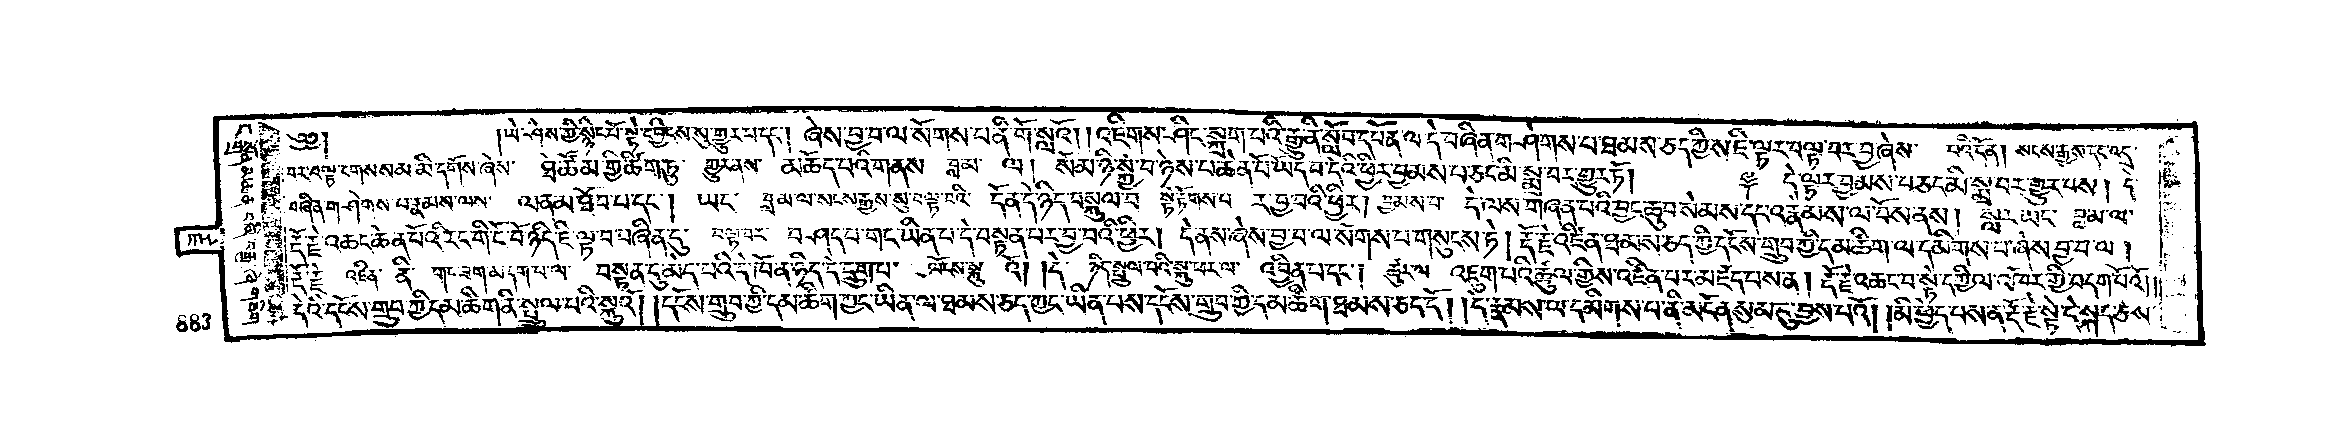༄༅། །ཡེ་ཤེས་ཀྱི་སྙིང་པོ་སྟེ་དབྱིངས་སུ་གྱུར་པ་དང་། ཞེས་བྱ་བ་ལ་སོགས་པ་ནི་གོ་སླའོ། །འཇིགས་ཤིང་སྐྲག་པའི་རྒྱུ་ནི་སློབ་དཔོན་ལ་དེ་བཞིན་གཤེགས་པ་ཐམས་ཅད་ཀྱིས་ཇི་ལྟར་བལྟ་བར་བྱ་ཞེས་པའི་དོན། སངས་རྒྱས་དང་འདྲ་
བར་བལྟ་དགས་སམ་མི་དགོས་ཞེས་ཐེ་ཚོམ་གྱི་ཚིག་ཏུ་གྱུར་ནས་མཆོད་པའི་གནས་བླ་མ་ལ། སོམ་ཉི་སྐྱེ་བ་ཉེས་པ་ཆེན་པོ་ཡོད་པ་དེའི་ཕྱིར་བྱམས་པ་ཅང་མི་སྨྲ་བར་གྱུར་ཏོ། ༈ དེ་ལྟར་བྱམས་པ་ཅང་མི་སྨྲ་བར་གྱུར་པས། དེ་
བཞིན་གཤེགས་པ་རྣམས་ལས་ལན་མ་ཐོབ་པ་དང་། ཡང་བླ་མ་ལ་སངས་རྒྱས་སུ་བལྟ་བའི་དོན་དེ་ཉིད་བསྐུལ་པ་སྟེ་རྟོགས་པར་བྱ་བའི་ཕྱིར། བྱམས་པ་དེ་ལས་གཞན་པའི་བྱང་ཆུབ་སེམས་དཔའ་རྣམས་ལ་བོས་ནས། སླར་ཡང་བླ་མ་ལ་
རྡོ་རྗེ་འཆང་ཆེན་པོའི་རང་གི་ངོ་བོ་ཉིད་ཇི་ལྟ་བ་བཞིན་དུ་བལྟ་བར་བཤད་པ་གང་ཡིན་པ་དེ་བསྟན་པར་བྱ་བའི་ཕྱིར། དེ་ནས་ཞེས་བྱ་བ་ལ་སོགས་པ་གསུངས་ཏེ། རྡོ་རྗེ་འཛིན་ཐམས་ཅད་ཀྱི་དངོས་གྲུབ་ཀྱི་དམ་ཚིག་ལ་དམིགས་པ་ཞེས་བྱ་བ་ལ།
རྡོ་རྗེ་འཛིན་ནི་གང་ཟག་མ་དག་པ་ལ་བསྟན་དུ་མེད་པའི་དེ་ཁོ་ན་ཉིད་དེ་དྲུག་པ་ལོངས་སྐུའོ། །དེ་ཉིད་སྤྲུལ་པའི་སྐུ་ཕར་ལ་འབྱིན་པ་དང་། ཚུར་ལ་འཇུག་པའི་ཚུལ་གྱིས་འཛིན་པར་མཛད་པས་ན། རྡོ་རྗེ་འཆང་བ་སྟེ་དཀྱིལ་འཁོར་གྱི་བདག་པོའོ།།
དེའི་དངོས་གྲུབ་ཀྱི་དམ་ཚིག་ནི་སྤྲུལ་པའི་སྐུའོ། །དངོས་གྲུབ་ཀྱི་དམ་ཚིག་ཀྱང་ཡིན་ལ་ཐམས་ཅད་ཀྱང་ཡིན་པས་དངོས་གྲུབ་ཀྱི་དམ་ཚིག་ཐམས་ཅད་དོ། །དེ་རྣམས་ལ་དམིགས་པ་ནི་མངོན་སུམ་དུ་བྱས་པའོ། །མི་ཕྱེད་པས་ན་རྡོ་རྗེ་སྟེ་དེ་སྐད་ཅོས་